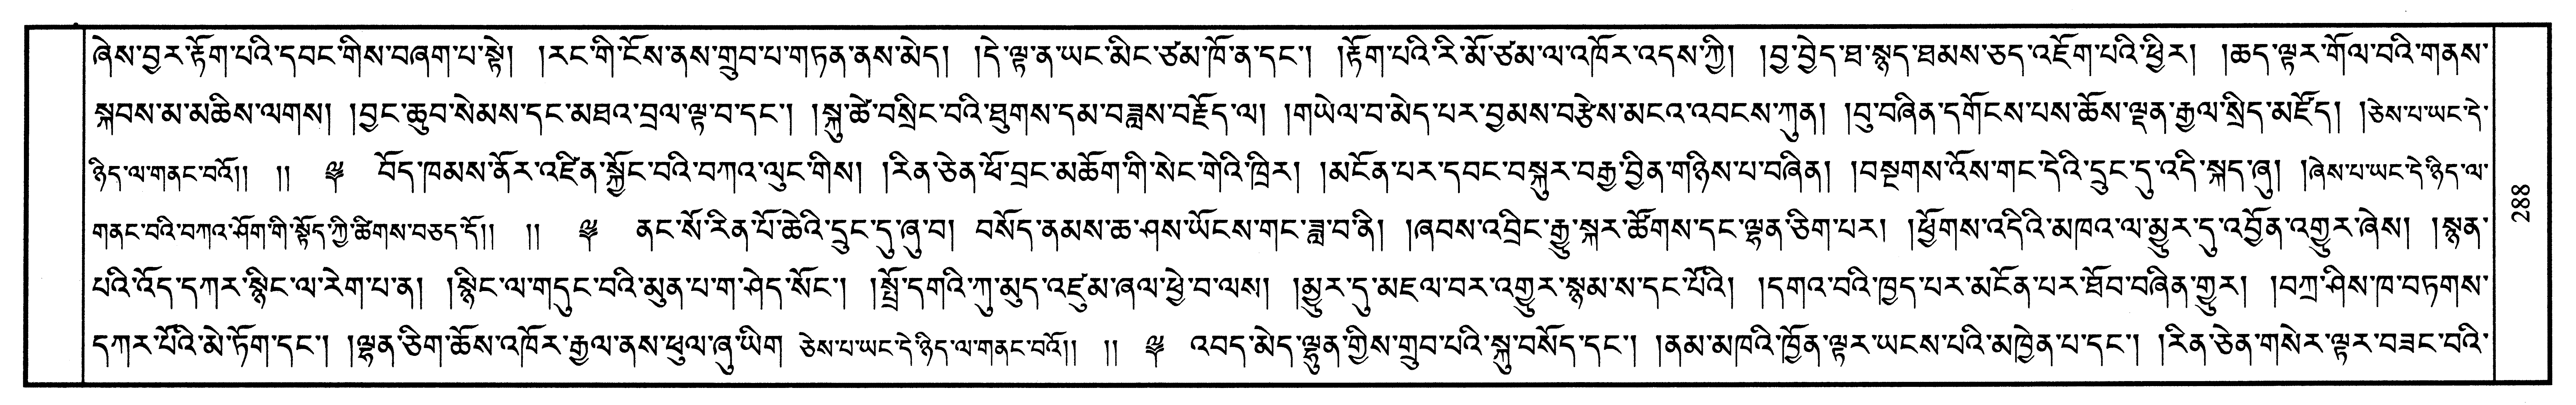ཞེས་བྱར་རྟོག་པའི་དབང་གིས་བཞག་པ་སྟེ། །རང་གི་ངོས་ནས་གྲུབ་པ་གཏན་ནས་མེད། །དེ་ལྟ་ན་ཡང་མིང་ཙམ་ཁོ་ན་དང་། །རྟོག་པའི་རི་མོ་ཙམ་ལ་འཁོར་འདས་ཀྱི། །བྱ་བྱེད་ཐ་སྙད་ཐམས་ཅད་འཇོག་པའི་ཕྱིར། །ཆད་ལྟར་གོལ་བའི་གནས་
སྐབས་མ་མཆིས་ལགས། །བྱང་ཆུབ་སེམས་དང་མཐའ་བྲལ་ལྟ་བ་དང་། །སྐུ་ཚེ་བསྲིང་བའི་ཐུགས་དམ་བཟླས་བརྗོད་ལ། །གཡེལ་བ་མེད་པར་བྱམས་བརྩེས་མངའ་འབངས་ཀུན། །བུ་བཞིན་དགོངས་པས་ཆོས་ལྡན་རྒྱལ་སྲིད་མཛོད། །ཅེས་པ་ཡང་དེ་
ཉིད་ལ་གནང་བའོ།། །། ༈ བོད་ཁམས་ནོར་འཛིན་སྐྱོང་བའི་བཀའ་ལུང་གིས། །རིན་ཅེན་ཕོ་བྲང་མཆོག་གི་སེང་གེའི་ཁྲིར། །མངོན་པར་དབང་བསྐུར་བརྒྱ་བྱིན་གཉིས་པ་བཞིན། །བསྔགས་འོས་གང་དེའི་དྲུང་དུ་འདི་སྐད་ཞུ། །ཞེས་པ་ཡང་དེ་ཉིད་ལ་
གནང་བའི་བཀའ་ཤོག་གི་སྟོད་ཀྱི་ཚིགས་བཅད་དོ།། །། ༈ ནང་སོ་རིན་པོ་ཆེའི་དྲུང་དུ་ཞུ་བ། བསོད་ནམས་ཆ་ཤས་ཡོངས་གང་ཟླ་བ་ནི། །ཞབས་འབྲིང་རྒྱུ་སྐར་ཚོགས་དང་ལྷན་ཅིག་པར། །ཕྱོགས་འདིའི་མཁའ་ལ་མྱུར་དུ་འབྱོན་འགྱུར་ཞེས། །སྙན་
པའི་འོད་དཀར་སྙིང་ལ་རེག་པ་ན། །སྙིང་ལ་གདུང་བའི་མུན་པ་ག་ཤེད་སོང་། །སྤྲོ་དགའི་ཀུ་མུད་འཛུམ་ཞལ་ཕྱེ་བ་ལས། །མྱུར་དུ་མཇལ་བར་འགྱུར་སྙམ་ས་དང་པོའི། །དགའ་བའི་ཁྱད་པར་མངོན་པར་ཐོབ་བཞིན་གྱུར། །བཀྲ་ཤིས་ཁ་བཏགས་
དཀར་པོའི་མེ་ཏོག་དང་། །ལྷན་ཅིག་ཆོས་འཁོར་རྒྱལ་ནས་ཕུལ་ཞུ་ཡིག་ཅེས་པ་ཡང་དེ་ཉིད་ལ་གནང་བའོ།། །། ༈ འབད་མེད་ལྷུན་གྱིས་གྲུབ་པའི་སྐུ་བསོད་དང་། །ནམ་མཁའི་ཁྱོན་ལྟར་ཡངས་པའི་མཁྱེན་པ་དང་། །རིན་ཅེན་གསེར་ལྟར་བཟང་བའི་